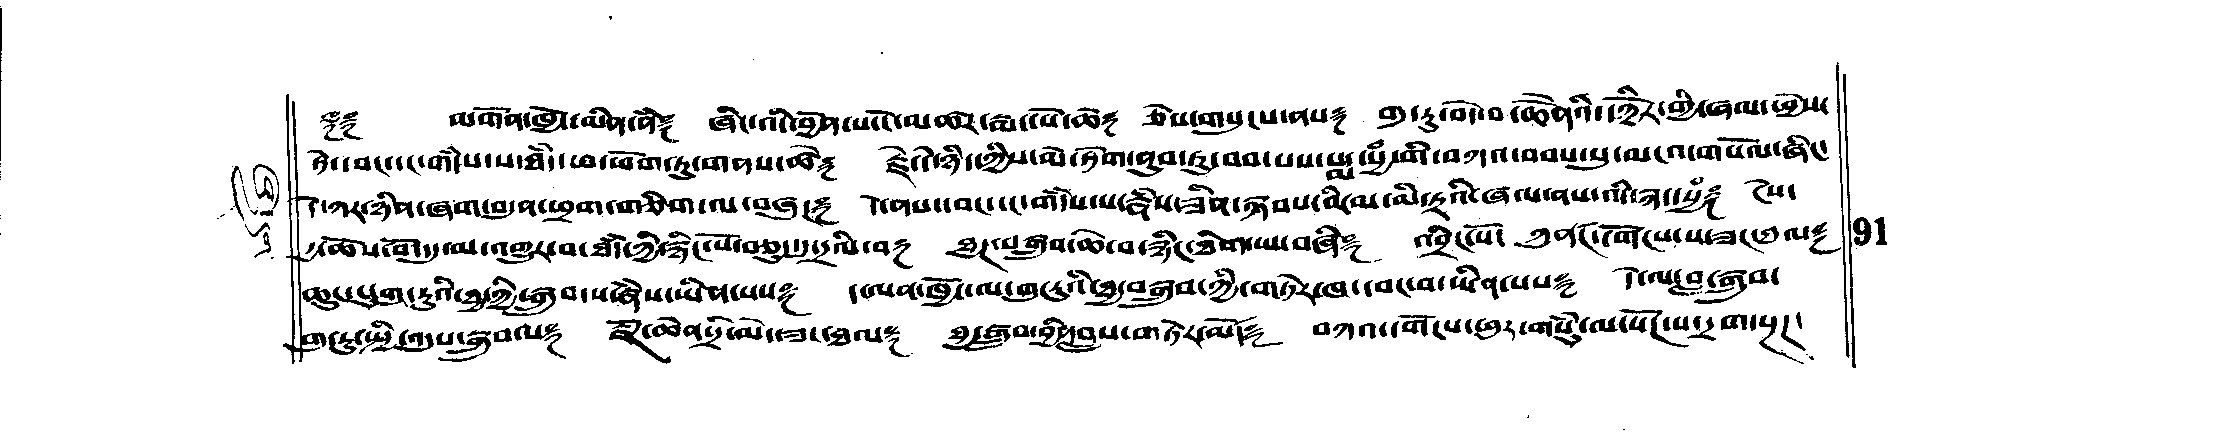མགོན་ཁྱོད་མིན་ནམ། །ཞིང་འདིར་བྱོན་པ་ངོ་མཚར་རྨད་པོ་ཆེ། །ཞེས་གསུངས་ནས། གུ་རུ་བདེ་བ་ཆེན་པོའི་དཀྱིལ་འཁོར་གྱི་ཞལ་ཕྱེས་
ཏེ་དབང་དང་གདམས་པ་ཐམས་ཅད་ཕ་ཕོག་ཏུ་གནང་ཚེ། རྗེ་དེ་ཉིད་ཀྱི་མེ་ཏོག་ནུབ་ཏུ་བབས་པས་པདྨ་གསུང་གི་བཀའ་བབས་སུ་མངའ་གསོལ་ཞིང་
དེ་ཀར་ཉིན་ཞག་བདུན་ཕྲག་གཅིག་ལ་བཞུགས། དེ་ནས་དབང་དང་གདམས་པ་རྣམས་ཟིན་སྐབས་བི་མ་མི་ཏྲའི་ཞལ་ནས་འདི་སྐད་གསུང་། ངས་
རྒྱ་ཆོས་བོད་དུ་མ་འགྱུར་བ་ཐམས་ཅད་ཀྱི་སྙིང་པོ་བཅུད་དུ་དྲིལ་བ།ཐུགས་སྒྲུབ་ཆེ་བ་སྙིང་ཐིག་ཡ་བཞི། འབྲིང་པོ་ཀུན་བཟང་དགོངས་པ་ཟང་ཐལ། 
ཆུང་ངུ་གུ་རུའི་ཐུགས་ཀྱི་སྒྲུབ་པ་རྣམས་ཡིན་པས། ད་ལན་ཁྱོད་ལ་གུ་རུའི་ཐུགས་སྒྲུབ་ཀྱི་གཏེར་ཁ་དབང་བ་ཡིན་པས། དེ་ལ་བླ་སྒྲུབ་
གུ་རུ་སྤྱི་འདུས་སྒྲུབ་ལ། རྫོགས་ཆེན་དྲི་མེད་ཟང་ཐལ། ཐུགས་སྒྲུབ་བྱིན་རླབས་གཏེར་མཛོད། བཀའ་དགོངས་ཕུར་གསུམ་ལ་སོགས་པ་དྲག་སྔགས་